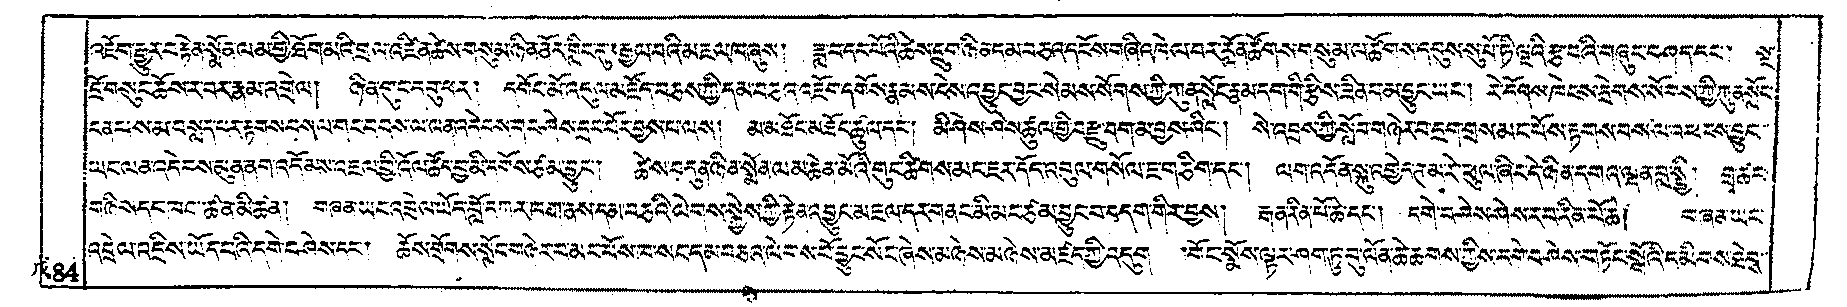འཇོག་རྒྱུར་བརྟེན་སྨོན་ལམ་གྱི་ཐོག་མའི་གྲལ་འཛིན་ཚེས་གསུམ་ཉིན་ནོར་གླིང་དུ་རྒྱལ་བའི་མཇལ་ཁ་ཞུས། ཟླ་བ་དང་པོའི་ཚེས་དྲུག་ཉིན་དམ་བཅའ་དངོས་གཞི་འཁྲེལ་བར་རློན་ཚོགས་གསུམ་ལ་ཚོགས་དབུས་སུ་པོ་ཏི་ལྔའི་རྩ་བའི་གཞུང་བཤད་དང་། སྔ་
དྲོ་གསུང་ཆོས་ར་བར་རྣམ་འགྲེལ། ཉིན་གུང་དབུ་ཕར། དགོང་མོ་འདུལ་མཛོད་བཅས་ཀྱི་དམ་བཅའ་འཇོག་དགོས་རྣམས་ངེས་འབྱུང་བྱང་སེམས་སོགས་ཀྱི་ཀུན་སློང་རྣམ་དག་གི་རྩིས་ཟིན་པ་མ་བྱུང་ཡང་། རེ་དོགས་ཁེངས་དྲེགས་སོགས་ཀྱི་ཀུན་སློང་
ངན་པས་མ་བསླད་པར་རྟགས་བསལ་གང་བབས་ལ་ལན་འདེབས་གང་ཤེས་དྲང་པོར་བྱས་པ་ལས། མ་མཐོང་མཐོང་ཚུལ་དང་། མི་ཤེས་ཤེས་ཚུལ་གྱི་བརྫུ་བག་མ་བྱས་ཤིང་། སེ་འབྲས་ཀྱི་སློབ་གཉེར་བ་དྲག་གྲས་མང་པོས་རྟགས་བསལ་འཕངས་བྱུང་
ཡང་ལན་འདེབས་མུན་ནག་འདོམས་འཇལ་གྱི་འོལ་ཚོད་བྱ་མི་དགོས་ཙམ་བྱུང་། ཚེས་བདུན་ཉིན་སྨོན་ལམ་ཆེན་མོའི་གུང་ཚིགས་མང་ཇར་དོད་འབུལ་གསོལ་ཇ་གཅིག་དང་། ལག་འདོན་སྐུ་འགྱེད་ཊམ་རེ་ཕུལ་ཞིང་དེ་ཉིན་དགའ་ལྡན་བླ་སྤྱི། གྲྭ་ཚང་
གཉིས་དང་ཁང་ཚན་མི་ཚན། གཞན་ཡང་འབྲེལ་ཡོད་བློ་དཀར་ཁག་ནས་དམ་བཅའི་ལེགས་སྐྱེས་ཀྱི་རྟེན་འབྱུང་མཇལ་དར་གནང་མི་མང་ཙམ་བྱུང་བ་བདག་གིར་བྱས། རྒན་རིན་པོ་ཆེ་དང་། དགེ་བཤེས་ཤེས་རབ་རིན་པོ་ཆེ། གཞན་ཡང་
འབྲེལ་འདྲིས་ཡོད་པའི་དགེ་བཤེས་དང་། ཆོས་གྲོགས་སློབ་གཉེར་བ་མང་པོས་ཁ་སང་དམ་བཅའ་ལེགས་པོ་བྱུང་སོང་ཞེས་མཉེས་མཛད་ཀྱི་འདུག །གོང་སྨོས་ལྟར་ཤག་ཏུ་བུ་ལོན་ཆེ་ཆགས་ཀྱིས་དགེ་བཤེས་གཏོང་སྒོའི་དམིགས་ཐེབས་